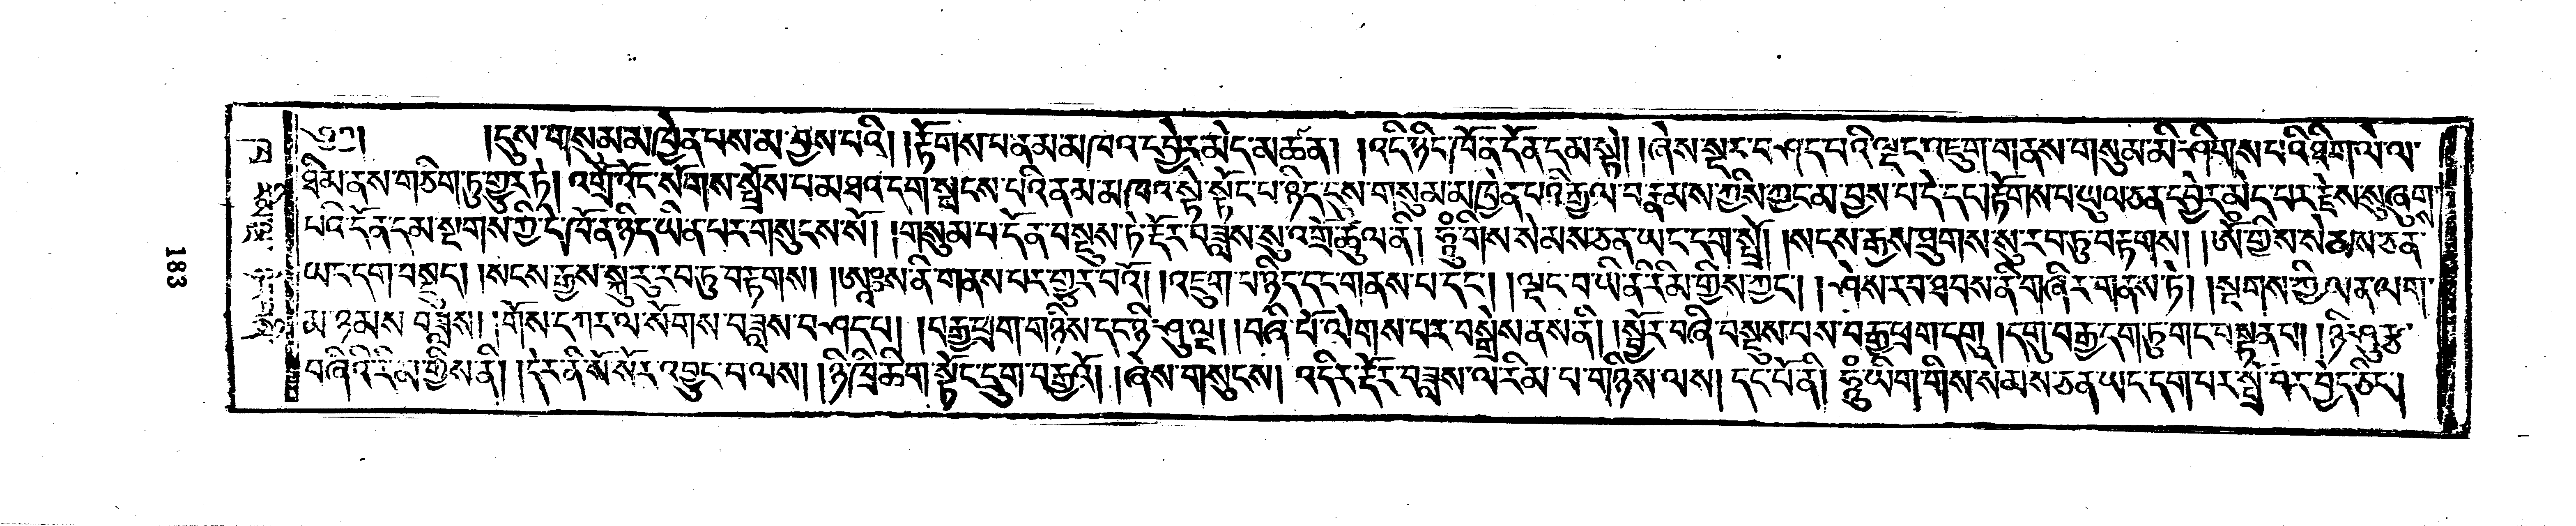༄༅། །དུས་གསུམ་མཁྱེན་པས་མ་བྱས་པའི། །རྟོགས་པ་ནམ་མཁའ་དབྱེར་མེད་མཚོན། །འདི་ཉིད་ཁོ་ན་དོན་དམ་སྟེ། །ཞེས་སྔར་བཤད་པའི་ལྡང་འཇུག་གནས་གསུམ་མི་ཤིགས་པའི་ཐིག་ལེ་ལ་
ཐིམ་ནས་གཅིག་ཏུ་གྱུར་ཏེ། འགྲོ་འོང་སོགས་སྤྲོས་པ་མཐའ་དག་སྤངས་པའི་ནམ་མཁའ་སྟེ་སྟོང་བ་ཉིད་དུས་གསུམ་མཁྱེན་པའི་རྒྱལ་བ་རྣམས་ཀྱིས་ཀྱང་མ་བྱས་པ་དེ་དང་། རྟོགས་པ་ཡུལ་ཅན་དབྱེར་མེད་པར་རྗེས་སུ་ཞུགས་
པའི་དོན་དམ་སྔགས་ཀྱི་དེ་ཁོ་ན་ཉིད་ཡིན་པར་གསུངས་སོ། །གསུམ་པ་དོན་བསྡུས་ཏེ་རྡོར་བཟླས་སུ་འགྲོ་ཚུལ་ནི། ཧཱུཾ་གིས་སེམས་ཅན་ཡང་དག་སྤྲོ། །སངས་རྒྱས་ཐུགས་སུ་རབ་ཏུ་བརྟགས། །ཨོཾ་གྱིས་སེམས་ཅན་
ཡང་དག་བསྡུད། །སངས་རྒྱས་སྐུ་རུ་རབ་ཏུ་བརྟགས། །ཨཱཿ ས་ནི་གནས་པར་གྱུར་པའོ། །འཇུག་པ་ཉིད་དང་གནས་པ་དང་། །ལྡང་བ་ཡི་ནི་རིམ་གྱིས་ཀྱང་། །ཤེས་རབ་ཐབས་ནི་གཞིར་གནས་ཏེ། །སྔགས་ཀྱི་ཡན་ལག་
མ་ཉམས་བཟླས། །གོས་དཀར་ལ་སོགས་བཟླས་བཤད་པ། །བརྒྱ་ཕྲག་གཉིས་དང་ཉི་ཤུ་ལྔ། །བཞི་པོ་ལེགས་པར་བསྒྲོས་ནས་ནི། །སྦྱོར་བཞི་བསྡུས་པས་བརྒྱ་ཕྲག་དགུ །དགུ་བརྒྱ་དག་ཏུ་གང་བསྟན་པ། །ཉི་ཤུ་རྩ་
བཞིའི་རིམ་གྱིས་ནི། །དེར་ནི་སོ་སོར་འབྱུང་བ་ལས། །ཉི་ཁྲི་ཆིག་སྟོང་དྲུག་བརྒྱའོ། །ཞེས་གསུངས། །འདིར་རྡོར་བཟླས་ལ་རིམ་པ་གཉིས་ལས། དང་པོ་ནི། ཧཱུཾ་ཡིག་གིས་སེམས་ཅན་ཡང་དག་པར་སྤྲོ་བར་བྱེད་ཅིང་།